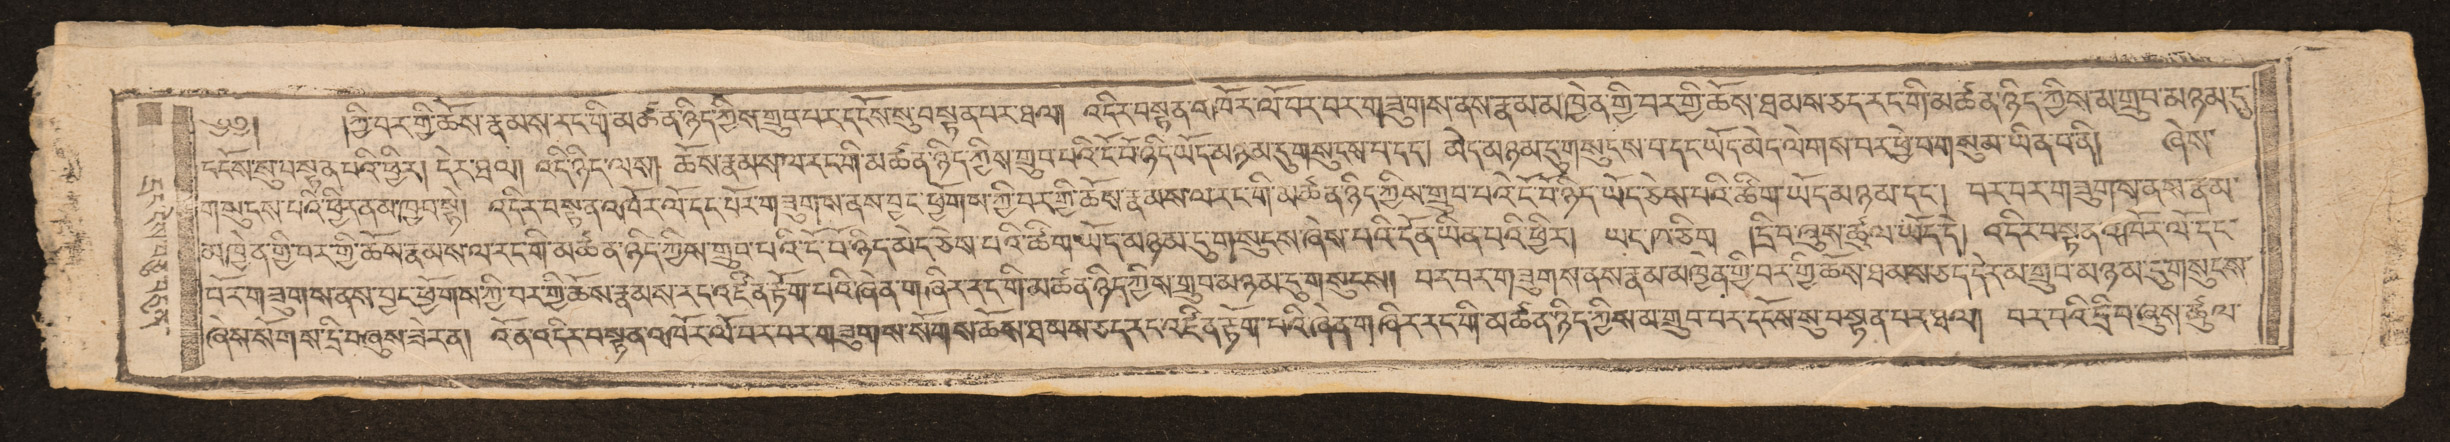༄༅། །ཀྱི་བར་གྱི་ཆོས་རྣམས་རང་གི་མཚན་ཉིད་ཀྱིས་གྲུབ་པར་དངོས་སུ་བསྟན་པར་ཐལ། འདིར་བསྟན་འཁོར་ལོ་བར་པར་གཟུགས་ནས་རྣམ་མཁྱེན་གྱི་བར་གྱི་ཆོས་ཐམས་ཅད་རང་གི་མཚན་ཉིད་ཀྱིས་མ་གྲུབ་མཉམ་དུ་
དངོས་སུ་བསྟན་པའི་ཕྱིར། དེར་ཐལ། འདི་ཉིད་ལས། ཆོས་རྣམས་ལ་རང་གི་མཚན་ཉིད་ཀྱིས་གྲུབ་པའི་ངོ་བོ་ཉིད་ཡོད་མཉམ་དུ་གསུངས་པ་དང་། མེད་མཉམ་དུ་གསུངས་པ་དང་ཡོད་མེད་ལེགས་པར་ཕྱེ་བ་གསུམ་ཡིན་པ་ནི། ཞེས་
གསུངས་པའི་ཕྱིར་ན་མ་ཁྱབ་སྟེ། འདིར་བསྟན་འཁོར་ལོ་དང་པོར་གཟུགས་ནས་བྱང་ཕྱོགས་ཀྱི་བར་གྱི་ཆོས་རྣམས་ལ་རང་གི་མཚན་ཉིད་ཀྱིས་གྲུབ་པའི་ངོ་བོ་ཉིད་ཡོད་ཅེས་པའི་ཚིག་ཡོད་མཉམ་དང་། བར་བར་གཟུགས་ནས་རྣམ་
མཁྱེན་གྱི་བར་གྱི་ཆོས་རྣམས་ལ་རང་གི་མཚན་ཉིད་ཀྱིས་གྲུབ་པའི་ངོ་བོ་ཉིད་མེད་ཅེས་པའི་ཚིག་ཡོད་མཉམ་དུ་གསུངས་ཞེས་པའི་དོན་ཡིན་པའི་ཕྱིར། ཡང་ཁ་ཅིག །དྲི་བ་ཞུས་ཚུལ་ཡོད་དེ། འདིར་བསྟན་འཁོར་ལོ་དང་
པོར་གཟུགས་ནས་བྱང་ཕྱོགས་ཀྱི་བར་གྱི་ཆོས་རྣམས་རང་འཛིན་རྟོག་པའི་ཞེན་གཞིར་རང་གི་མཚན་ཉིད་ཀྱིས་གྲུབ་མཉམ་དུ་གསུངས། བར་བར་གཟུགས་ནས་རྣམ་མཁྱེན་གྱི་བར་གྱི་ཆོས་ཐམས་ཅད་དེར་མ་གྲུབ་མཉམ་དུ་གསུངས་
ཞེས་སོགས་དྲི་བ་ཞུས་ཟེར་ན། འོ་ན་འདིར་བསྟན་འཁོར་ལོ་བར་བར་གཟུགས་སོགས་ཆོས་ཐམས་ཅད་རང་འཛིན་རྟོག་པའི་ཞེན་གཞིར་རང་གི་མཚན་ཉིད་ཀྱིས་མ་གྲུབ་པར་དངོས་སུ་བསྟན་པར་ཐལ། བར་བའི་དྲི་བ་ཞུས་ཚུལ་